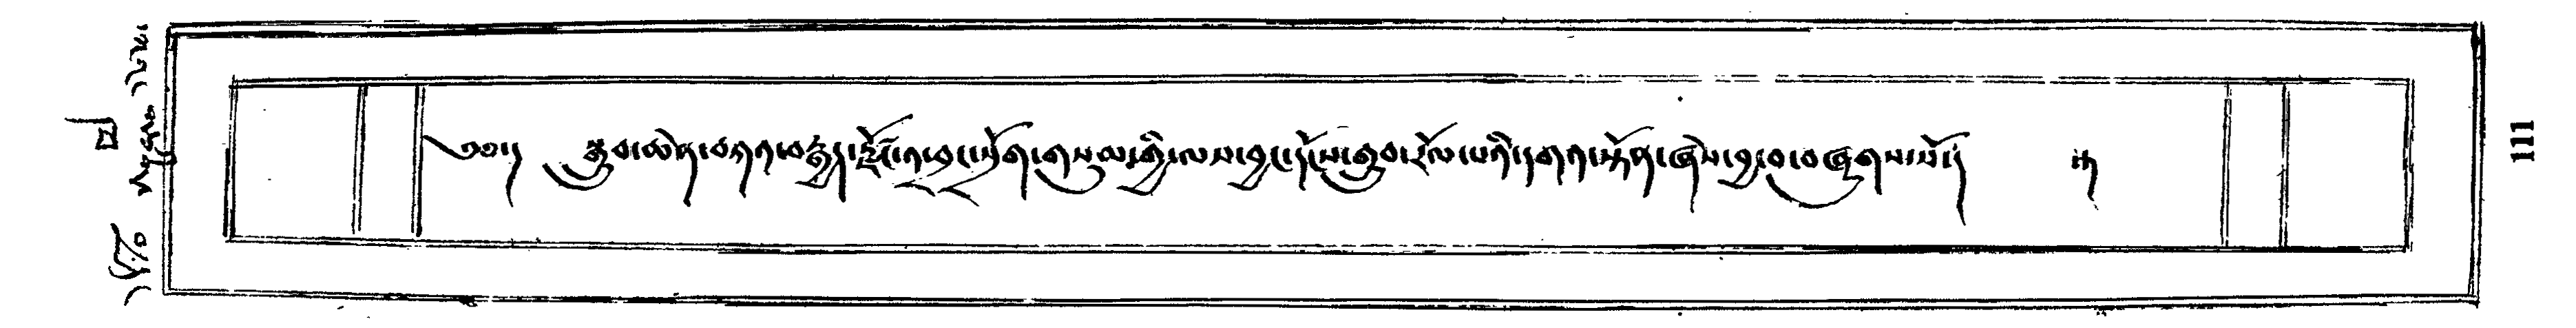༄༅། །སྒྲུབ་ཆེན་བཀའ་བརྒྱད་རྫོང་འཕྲང་སྲོག་གསུམ་གྱི་ལས་བྱང་དངོས་གྲུབ་རོལ་པའི་དགའ་སྟོན་ཞེས་བྱ་བ་བཞུགས་སོ།།